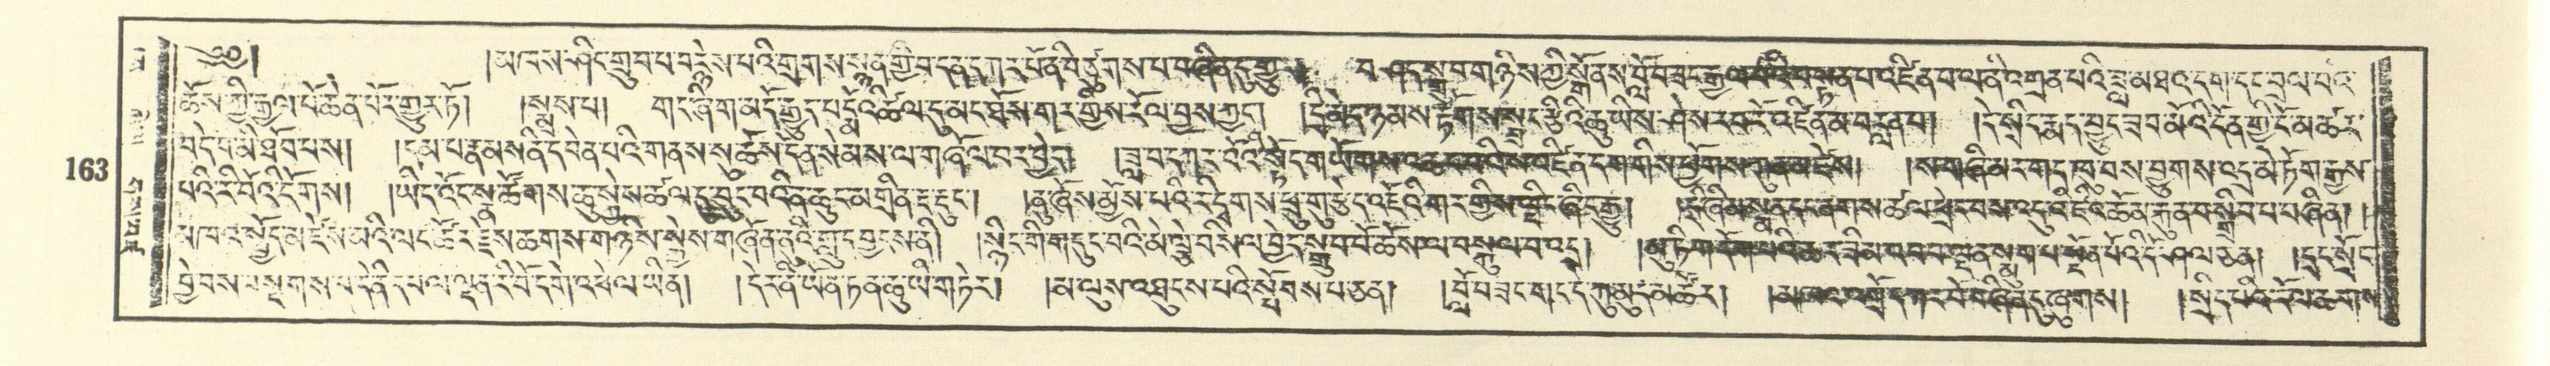༄༅། །མཁས་ཤིང་གྲུབ་པ་བརྙེས་པའི་གྲགས་སྙན་གྱི་བ་དན་དཀར་པོ་ནི་བཙུགས་པ་བཞིན་དུ་གྱུར། བཤད་སྒྲུབ་གཉིས་ཀྱི་སྒོ་ནས་བློ་བཟང་རྒྱལ་བའི་བསྟན་པ་འཛིན་པ་ལ་ནི་འགྲན་པའི་ཟླ་མཐའ་དག་དང་བྲལ་བའི་
ཆོས་ཀྱི་རྒྱལ་པོ་ཆེན་པོར་གྱུར་ཏོ། །སྨྲས་པ། གང་ཞིག་མདོ་རྒྱུད་པདམོའི་ཚིལ་དུ་མང་ཐོས་གར་གྱིས་རོལ་བྱས་ཀྱང་། །དྲི་མེད་ཉམས་རྟོགས་སྦྲང་རྩིའི་ཆུ་ཡིས་ཤེས་རབ་རོ་འཛིན་མ་བརླན་པ། །དེ་སྲིད་རྨད་བྱུང་ཟབ་མོའི་དོན་གྱི་ངོ་མཚར་
བདེ་བ་མི་ཐོབ་པས། །དམ་པ་རྣམས་ནི་དཔེན་པའི་གནས་སུ་ཆོས་དོན་སེམས་ལ་གཞོལ་བར་བྱེད། །ཟླ་བ་དཀར་བོའི་སྟོད་གཡོགས་འཆང་བའི་ས་འཛིན་དག་གིས་ཕྱོགས་ཀུན་མཛེས། །ས་གཞི་མར་གད་ཁུ་བས་བྱུགས་འདྲ་མེ་ཏོག་རྒྱས་
པའི་རི་བོའི་དོགས། །ཡིད་འོང་སྣ་ཚོགས་ཆུ་སྐྱེས་ཚལ་དུ་བུང་བའི་ན་ཆུང་མགྲིན་རྡ་རྡུང་། །ནུ་ཞོས་མྱོས་པའི་རི་དྭགས་ཕྲུ་གུ་རྩེད་འཇོའི་གར་གྱིས་ལྡིང་ཞིང་རྒྱུ། །དྲི་ཞིམ་སྨན་དང་ནགས་ཚལ་ཕྲེང་བས་འདུའི་ཛའི་ཆོམ་རྐུན་བསྒྲིབ་པ་བཞིན། །
མཁའ་སྤྱོད་མཛེས་མའི་ལང་ཚོར་རྗེས་ཆགས་གཉིས་སྐྱེས་གཞོན་ནུའི་གླུ་དབྱངས་ནི། །སྙིང་གི་གདུང་བའི་མེ་ལྕེ་བསིལ་བྱེད་སྒྲུབ་པོ་ཆོས་ལ་བསྐུལ་བ་འདྲ། །མུ་ཏིག་དོག་པའི་ཆར་ཟིམ་འབབ་ལྡན་སྨུག་པ་སྔོན་པོའི་དོ་ཤལ་ཅན། །དྲང་སྲོང་
བྱེ་བས་བསྔགས་པ་དེ་ནི་དཔལ་ལྡན་རི་བོ་དགེ་འཕེལ་ཡིན། །དེར་ནི་ཡོན་ཏན་ཆུ་ཡི་གཏེར། །མ་ལུས་འཐུངས་པའི་སྤོབས་པ་ཅན། །བློ་བཟང་གང་དེ་ཀུ་མུད་མཚོར། །མཁའ་འགྲོ་དཀར་པོ་བཞིན་དུ་ཞུགས། །སྲིད་པའི་རོ་ལ་ཆགས་